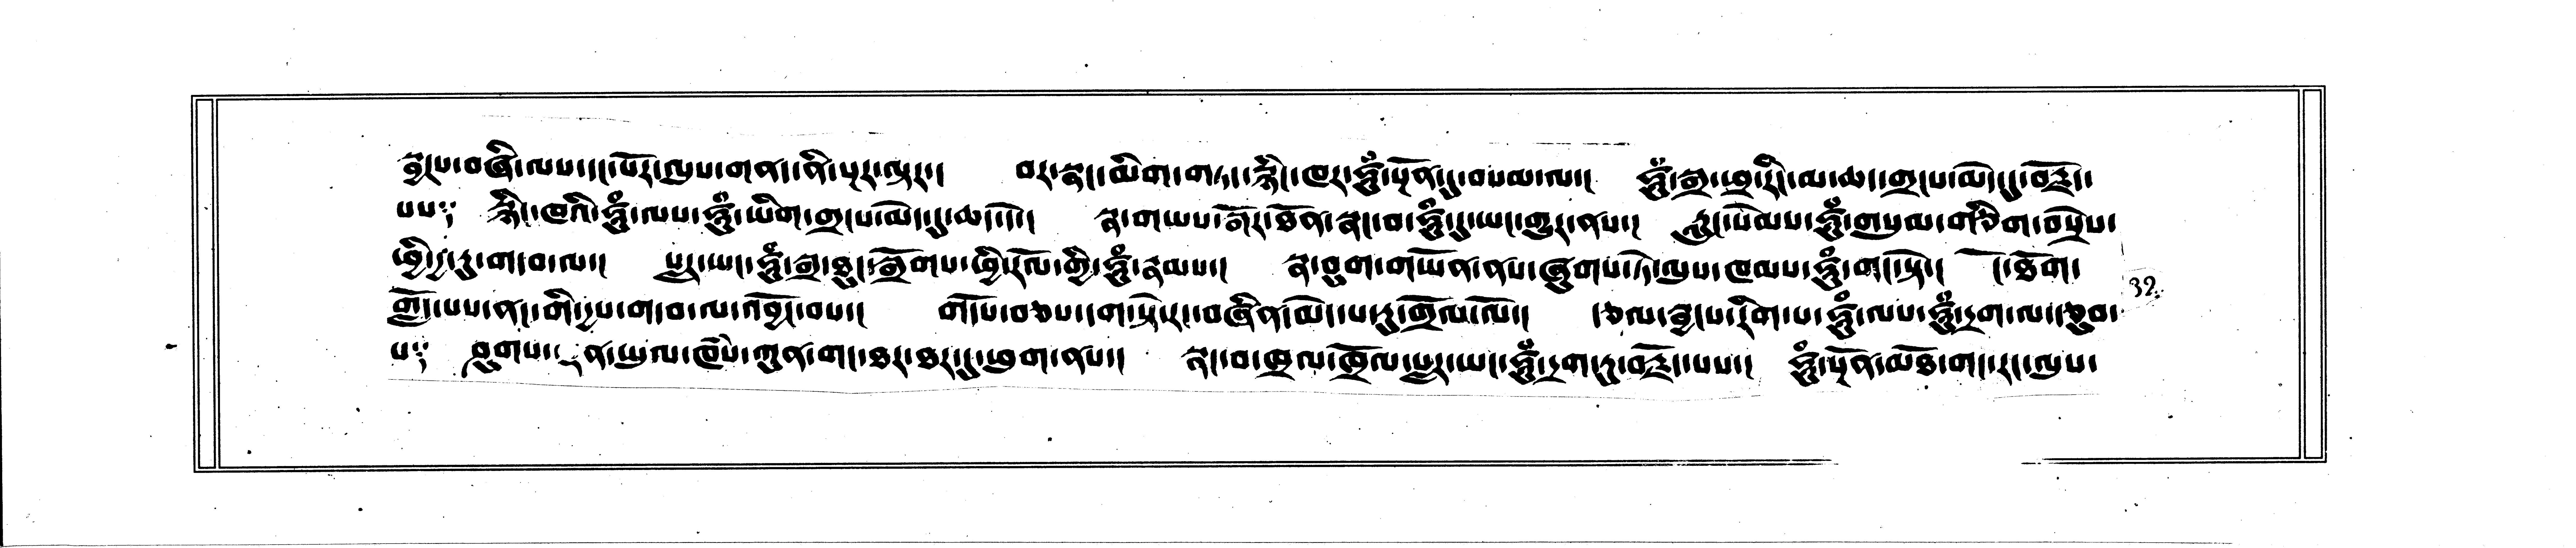སྦྱངས་བཞི་ལས་དང་པོར་ལུས་གནད་ནི་སྔར་ལྟར། །བར་སྣང་མིག་གཏད་སྙིང་ཁར་ཧཱུཾ་སྔོན་དུ་བསམ་ལ། །ཧཱུཾ་སྒྲ་ཕྲ་རིང་མ་ཆད་གྲངས་མེད་དུ་བརྗོད་
པས། །སྙིང་ཁའི་ཧཱུཾ་ལས་ཧཱུཾ་ཡིག་གྲངས་མེད་དུ་ཆད་དེ། །སྣ་གཡས་སྒོར་ཐོན་སྣང་བ་ཧཱུཾ་དུ་ཡང་གྱུར་ནས། །རླུང་སེམས་ཧཱུཾ་གསུམ་གཅིག་བསྲེས་
ཕྱི་རྒྱ་རུ་གདབ་ལ། །སླར་ཡང་ཧཱུཾ་སྒྲ་ཐུང་སྒྲོགས་ཕྱི་རོལ་གྱི་ཧཱུཾ་རྣམས། །སྣ་བུག་གཡོན་ནས་ཞུགས་ཏེ་ལུས་ཁམས་ཧཱུཾ་གང་སྟེ། །ངོ་ཐོག་
གློད་པས་ནང་གི་རྒྱས་གདབ་ལ་འབྱོང་བས། །གདོས་བཅས་དག་སྟེ་རང་བཞིན་མེད་པ་རུ་གྲོལ་ལོ། །རྩལ་སྦྱངས་རིག་པ་ཧཱུཾ་ལས་ཧཱུཾ་དྲག་ཏུ་རྩུབ་
པ། །ཤུགས་ལྡན་ཡུལ་ཁམས་ཀུན་གང་ཐལ་ཐལ་དུ་ཕུག་ནས། །སྣང་བ་ཁྲལ་ཁྲོལ་སླར་ཡང་ཧཱུཾ་དྲག་ཏུ་བརྗོད་པས། །ཧཱུཾ་སྔོན་མཐོ་གང་རང་ལུས་